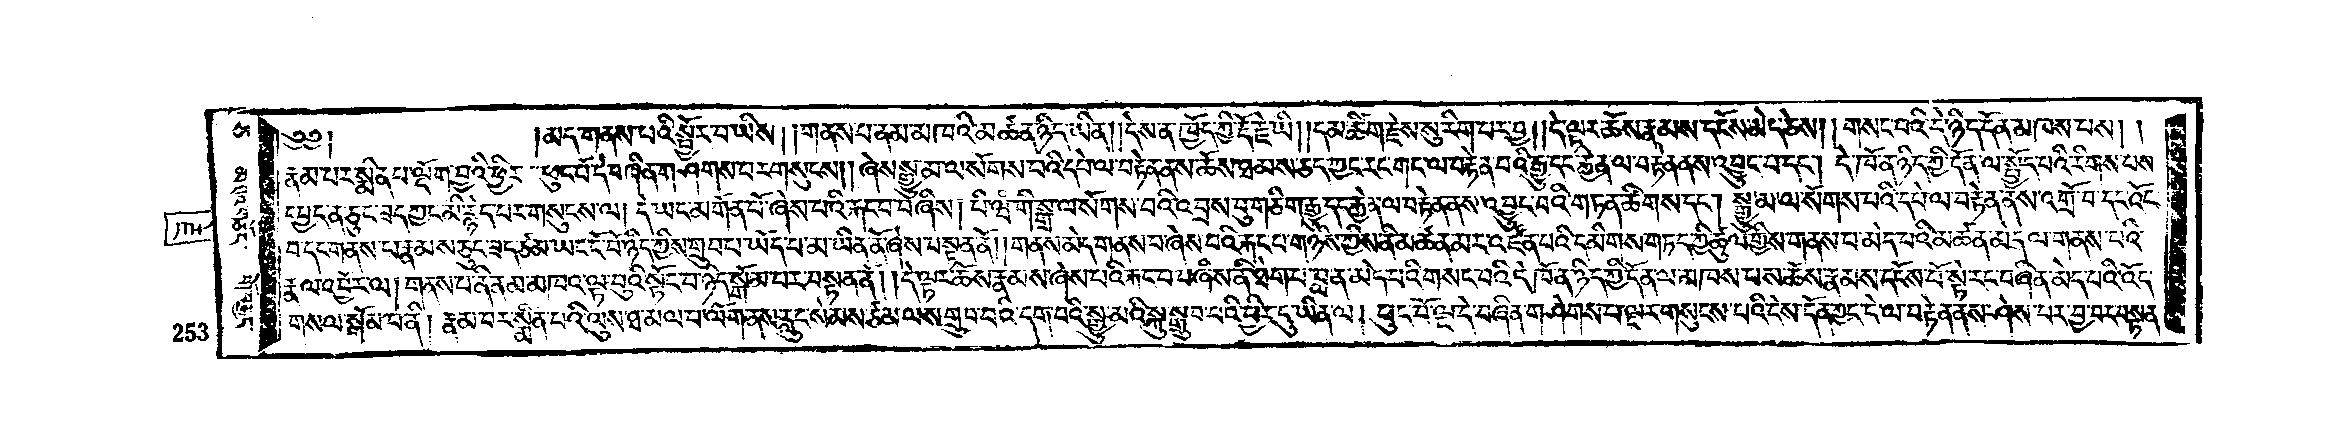༄༅། །མེད་གནས་པའི་སྦྱོར་བ་ཡིས། །གནས་པ་ནམ་མཁའི་མཚན་ཉིད་ཡིན། །དེས་ན་ཁྱོད་ཀྱི་རྡོ་རྗེ་ཡི། །དམ་ཚིག་རྗེས་སུ་རིག་པར་བྱ། །དེ་ལྟར་ཆོས་རྣམས་དངོས་མེད་ཅེས། །གསང་བའི་དེ་ཉིད་དོན་མཁས་པས། །
རྣམ་པར་སྨིན་པ་ལྡོག་བྱའི་ཕྱིར་ཕུང་པོ་དེ་བཞིན་གཤེགས་པར་གསུངས། །ཞེས་སྒྱུ་མ་ལ་སོགས་པའི་དཔེ་ལ་བརྟེན་ནས་ཆོས་ཐམས་ཅད་ཀྱང་རང་གང་ལ་བརྟེན་པའི་རྒྱུ་དང་རྐྱེན་ལ་བརྟེན་ནས་འབྱུང་བ་དང་། དེ་ཁོ་ན་ཉིད་ཀྱི་དོན་ལ་སྤྱོད་པའི་རིགས་པས་
དཔྱད་ན་ཅུང་ཟད་ཀྱང་མི་རྙེད་པར་གསུངས་ལ། དེ་ཡང་མགོན་པོ་ཞེས་པའི་རྐང་བ་བཞིས། པི་ཝཾ་གི་སྒྲ་ལ་སོགས་པའི་འབྲས་བུ་གཅིག་རྒྱུ་དང་རྐྱེན་ལ་བརྟེན་ནས་འབྱུང་བའི་གཏན་ཚིགས་དང་། སྒྱུ་མ་ལ་སོགས་པའི་དཔེ་ལ་བརྟེན་ནས་འགྲོ་བ་དང་འོང་
བ་དང་གནས་པ་རྣམས་ཅུང་ཟད་ཙམ་ཡང་ངོ་བོ་ཉིད་ཀྱིས་གྲུབ་པ་ཡོད་པ་མ་ཡིན་ནོ་ཞེས་བསྟན་ནོ། །གནས་མེད་གནས་པ་ཞེས་པའི་རྐང་པ་གཉིས་ཀྱིས་ནི་མཚན་མར་འཛིན་པའི་དམིགས་གཏད་ཀྱི་ཚུལ་གྱིས་གནས་པ་མེད་པའི་མཚན་མེད་ལ་གནས་པའི་རྣལ་འབྱོར་ལ། གནས་པ་ནི་ནམ་མཁའ་ལྟ་བུའི་སྟོང་པ་ཉིད་སྒོམ་པར་བསྟན་ནོ། །དེ་ལྟར་ཆོས་རྣམས་ཞེས་པའི་རྐང་པ་བཞིས་ནི་ཐེག་པ་བླ་ན་མེད་པའི་གསང་བའི་དེ་ཁོ་ན་ཉིད་ཀྱི་དོན་ལ་མཁས་པས་ཆོས་རྣམས་དངོས་པོ་སྟེ་རང་བཞིན་མེད་པའི་འོད་
གསལ་སྒོམ་པ་ནི། རྣམ་པར་སྨིན་པའི་ལུས་ཐ་མལ་པ་ལོག་ནས་རླུང་སེམས་ཙམ་ལས་གྲུབ་པའི་དག་པའི་སྒྱུ་མའི་སྐུ་སྒྲུབ་པའི་ཕྱིར་དུ་ཡིན་ལ། ཕུང་པོ་ལྔ་དེ་བཞིན་གཤེགས་པ་ལྔར་གསུངས་པའི་ངེས་དོན་ཀྱང་དེ་ལ་བརྟེན་ནས་ཤེས་པར་བྱ་བར་བསྟན་